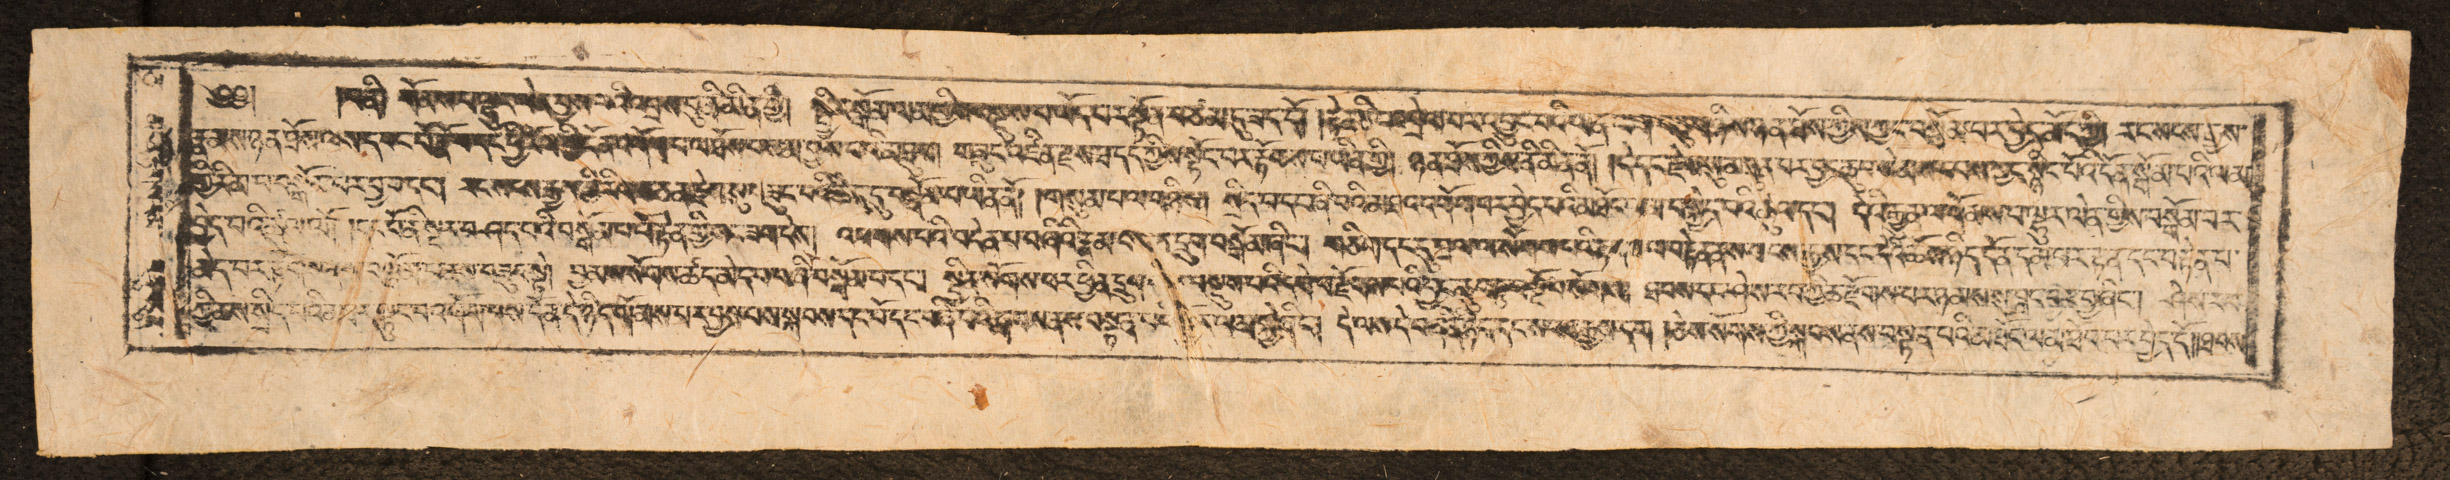༄༅། །པ་ནི། གོམས་པ་ལྷུར་ལེན་བྱས་པའི་འབྲས་བུ་ནི་མིན་གྱི། སྤྱིར་སྒོམ་ལམ་གྱིས་བསྡུས་པ་ཡོད་པར་སྟོན་པ་ཙམ་དུ་ཟད་དོ། །རྟེན་ཅིང་འབྲེལ་པར་འབྱུང་བའི་ཡན་ལག་བཅུ་གཉིས་ཉན་ཐོས་ཀྱིས་ཀྱང་བསྒོམ་པར་བྱེད་མོད་ཀྱི། རང་སངས་རྒྱས་
རྣམས་ཉན་ཐོས་ལས་དབང་པོ་རྣོ་བ་དང་ཕྱི་རོལ་གྱི་དོན་འགོག་པ་ལ་ཐོས་བསམ་བྱས་པའི་མཐུས། གཟུང་འཛིན་རྫས་ཐ་དད་ཀྱིས་སྟོང་པར་རྟོགས་པ་ཡིན་གྱི། ཉན་ཐོས་ཀྱིས་ནི་མིན་ནོ། །དེ་དང་རྗེས་སུ་མཐུན་པར་བྱང་ཆུབ་སེམས་དཔས་ཀྱང་སྙིང་པོའི་དོན་སྒོམ་པའི་ལམ་
གྱི་རིམ་པ་བསྒོམ་པར་བྱ་བ་དང་། རང་སངས་རྒྱས་ཀྱི་རིགས་ཅན་རྗེས་སུ་བཟུང་བའི་ཆེད་དུ་བསྒོམ་པ་ཡིན་ནོ། །གསུམ་པ་ལ་གཉིས། སྲིད་པ་དང་ཞི་བའི་མཐའ་འགོག་པར་བྱེད་པའི་མཐོང་ལམ་བསྐྱེད་པའི་ཚུལ་དང་། དེའི་རྒྱུན་ལ་གོམས་པ་ལྷུར་ལེན་གྱིས་བསྒོམ་པར་
བྱེད་པའི་ཚུལ་ལོ། །དང་པོ་ནི་སྔར་བཤད་པའི་བསྒོམ་པ་པོ་རྟེན་གྱི་གང་ཟག་དེས། འཕགས་པའི་བདེན་པ་བཞིའི་རྣམ་པ་བཅུ་དྲུག་བསྒོམ་ཞིང་། གཅིག་དང་དུ་བྲལ་ལ་སོགས་པའི་རྟགས་ལ་བརྟེན་ནས་སངས་རྒྱས་དང་དེའི་ཆོས་ཉིད་དོན་དམ་པར་རྟན་དང་བརྟེན་པ་
མེད་པར་རྟོགས་ནས་བསྒོམ་པ་ནས་བཟུང་སྟེ། བྱམས་སོགས་ཚད་མེད་པ་བཞི་བསྒོམ་པ་དང་། སྦྱིན་སོགས་ཕར་ཕྱིན་དྲུག་གིས་བསྡུས་པའི་དགེ་བ་རྫོགས་པའི་བྱང་ཆུབ་ཏུ་བསྔོ་བ་སོགས། ཐབས་དང་ཤེས་རབ་ཀྱི་ཆ་རྫོགས་པར་ཉམས་སུ་བླང་བར་བྱ་ཞིང་། ཤེས་རབ་
ཀྱི་ཆས་སྲིད་པའི་མཐར་ལྟུང་བ་འགོག་པས་དོན་དེ་ཉིད་གོམས་པར་བྱས་པས་སྐབས་དང་པོ་དང་བཞི་པའི་སྐབས་ནས་བསྟན་པའི་སྦྱོར་ལམ་སྐྱེ་ཞིང་། དེ་ལས་དེ་བཞིན་ཉིད་དང་སངས་རྒྱས་དག །ཅེས་སོགས་ཀྱི་སྐབས་ནས་བསྟན་པའི་མཐོང་ལམ་ཐོབ་པར་བྱེད་དོ། །ཐབས་